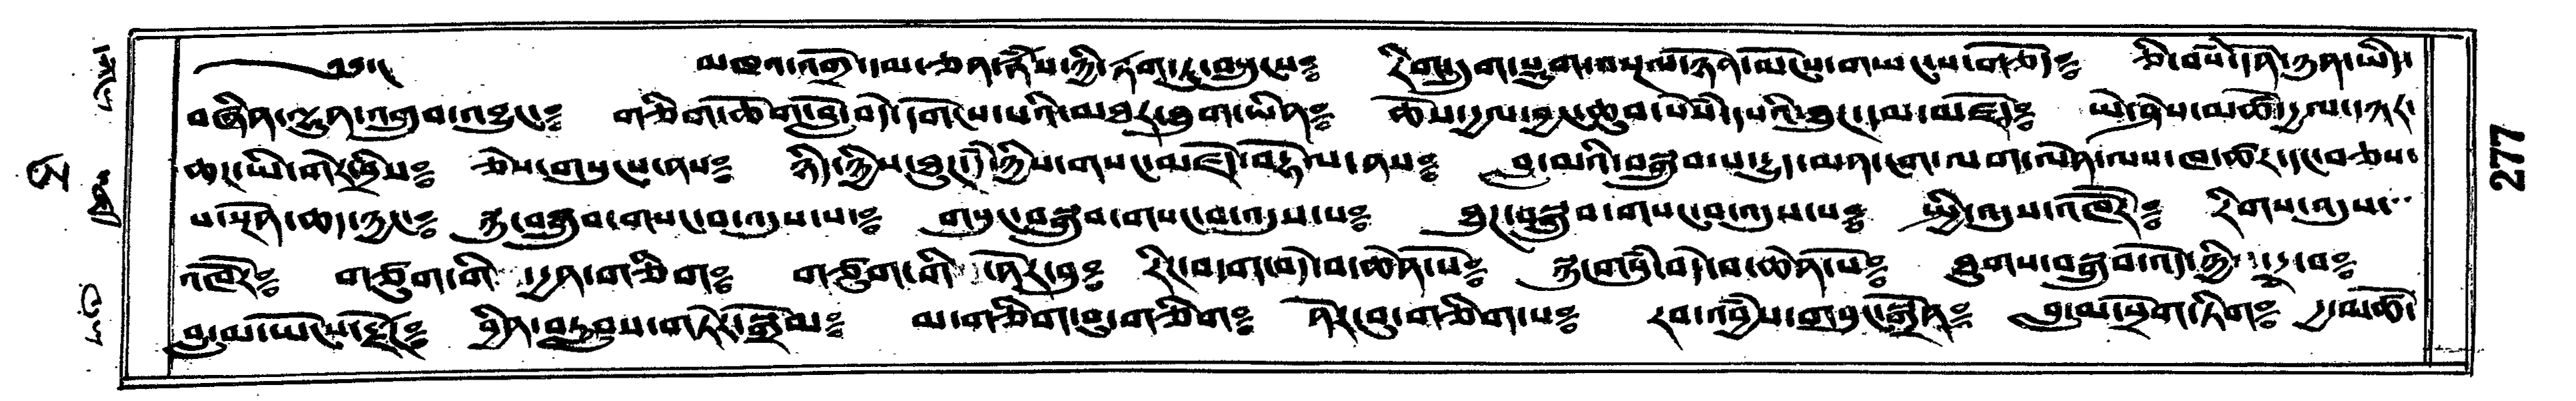མཁའ་འགྲོ་དམ་ཅན་རྣམས་ཀྱི་རྟག་ཏུ་སྲུང༔ རིགས་དྲུག་སྡུག་བསྔལ་ཉོན་མོངས་གཡང་ས་གཅོད༔ ཅི་བསམ་དོན་ཀུན་ཡིད་
བཞིན་ལྷུན་འགྲུབ་འབྱུང༔ གཅིག་ཆོག་བློ་བདེ་དགོངས་པའི་མཐར་ཐུག་ཡིན༔ ཆོས་རྒྱལ་བྱང་ཆུབ་སེམས་དཔའི་ཐུགས་དམ་མཛོད༔ ཡེ་ཤེས་མཚོ་རྒྱལ་དཀར་
ཆག་ཡི་གེར་བྲིས༔ ཅེས་གསུངས་ནས༔ ཉིད་ཀྱི་ཐུགས་དམ་ཀྱི་གསང་མཛོད་བརྡོལ་ནས༔ བླ་མའི་སྒྲུབ་པ་རྒྱུད་མན་ངག་ལག་ལེན་ལས་ཁ་ཚར་དང་བཅས་
པ་སྔོན་ཆད་ཀྱང་༔ སྐུ་སྒྲུབ་གསང་བ་འདུས་པ་༔ གསུང་སྒྲུབ་གསང་བ་འདུས་པ༔ ཐུགས་སྒྲུབ་གསང་བ་འདུས་པ༔ སྤྱི་འདུས་འཁོར་ལོ༔ རིགས་འདུས་
འཁོར་ལོ༔ གཙུག་གི་རྒྱན་གཅིག༔ གཙུག་གི་ནོར་བུ༔ རིགས་བདག་བདེ་བ་ཆེན་པོ༔ སྐུ་གསུམ་བདེ་བ་ཆེན་པོ༔ ཐུགས་སྒྲུབ་འོད་ཀྱི་དྲྭ་བ༔ 
བླ་མ་ཡོངས་རྫོགས༔ བྱིན་རླབས་གཏེར་སྒྲོམ༔ མ་གཅིག་བུ་གཅིག༔ ནོར་བུ་གཅིག་པ༔ རབ་འབྱམས་གསུང་སྒྲོན༔ བླ་མ་སྲོག་ཏིག༔